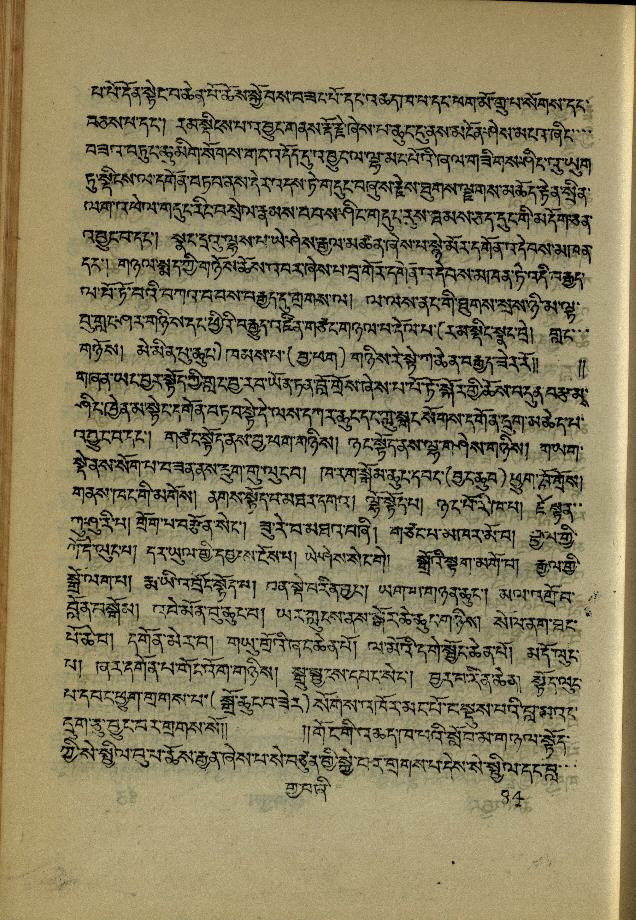པ་པོ་དོན་སྟེང་བ་ཆེན་པོ་ཆོས་སྐྱོ་བས་བཟང་པོ་དང་འཆད་ཁ་པ་དང་ཕག་མོ་གྲུ་པ་སོགས་དང་
བཅས་པ་དང་། རམ་སྡིངས་པ་འབྱུང་གནས་རྡོ་རྗེ་ཞེས་པ་ཆུང་དུ་ནས་མངོན་ཤེས་མངའ་ཞིང་
བཟའ་བཏུང་ཆུ་མིག་སོགས་གང་འདོད་དུ་འབྱུང་ལ་ལྷ་མང་པོའི་ཞལ་གཟིགས་ཤིང་འུ་ཡུག་
ཏུ་སྡིངས་ལ་དགོན་བཏབ་ནས་དེར་འདས་ཏེ་གདུང་བཞུས་རྗེས་ཐུགས་ལྗགས་མཆོད་རྟེན་སྲིན་
ལག་འཕེལ་གདུང་རིང་བསྲེལ་རྣམས་བབས་ཤིང་གདུང་རུས་ཐམས་ཅད་དུང་གི་མདོག་ཅན་
འབྱུང་བ་དང་། སྣང་དྲའུ་ལྷས་པ་ཡེ་ཤེས་རྒྱལ་མཚན་ཞེས་པ་སྙེ་མོར་དགོན་འ་དེབས་མཁན་
དང་། གཉལ་སྨད་ཀྱི་གཉོས་ཆོས་འབར་ཞེས་པ་བྲ་གོར་དགོན་འདེབས་མཁན་ཏེ་འདི་བརྒྱད་
ལ་པོ་ཏོ་བའི་བཀའ་བབས་བརྒྱད་དུ་གྲགས་ལ། ལ་ལས་ནང་གི་ཐུགས་སྲས་ཉི་མ་ལྟ་
བུ་གླང་ཤར་གཉིས་དང་ཕྱིའི་བརྒྱུད་འཛིན་གཙང་གཉལ་བ་དོལ་པ་རམ་སྡིང་སྣང་བྲེ།  གླང་
གཉིས། མེ་མིན་པུ་ཆུང་ཁང་པ་བྱ་ཕག་གཉིས་རེ་སྟེ་ཀ་ཆེན་བརྒྱད་ཟེར་རོ།། །།
གཞན་ཡང་བྱར་སྟོད་ཀྱི་གླང་བྱ་རབ་ཡོན་ཏན་བློ་གྲོས་ཞེས་པ་པོ་ཏོ་སྐོར་གྱི་ཆོས་བདུན་བརྩམས་
ཤིང་ཁྱེན་མ་སྟེང་དགོན་བཏབ་སྟེ་དེ་ལས་དཀར་ཆུང་དང་ཀླུ་སྒང་སོགས་དགོན་དྲུག་མཆེད་པ་
འབྱུང་བ་དང་། གཙང་སྟོད་ནས་བྱ་ཕག་གཉིས། ཉང་སྟོད་ནས་ལྷ་གཤེགས་གཉིས། གཡག་
སྡེ་ནས་སོག་པ་བཟན་ནས་དྲུག་གུ་ལུང་བ། ཁ་རག་སྒོམ་ཆུང་དབང་བྱང་ཆུབ་ཕྱུག་ཊO་གྲོས།
གནས་ཁང་གི་མགོས། ནགས་སྟོད་པ་མཐར་དགའ། ལྷོ་སྟོད་པ། ཉང་པོ་རི་ཁ་པ། ཇོ་སྟན་
ཀུ་ཤུ་རི་པ། གྲོག་པ་བརྩོན་སེང་། ཟུ་རེ་བ་མཐའ་བཞི། གཙང་པ་མཁར་མོ་བ། དྱལ?་གྱི་
ཀོ་དེ་ལུང་པ། དར་ཡུལ་གྱི་དབྱངས་ངོས་པ། ཡེ་ཤེས་སེང་གེ། སྒྲོའི་སྟག་མགོ་པ། རྒྱལ་གྱི་
སྒྲོ་ལག་པ། རྨ་ཡི་འབྲོང་སྟོད་པ། བན་སྡེ་བ་རིན་བྱང་། ཡག་ག་གཉན་ཆུང་། མལ་འགྲོ་བ་
བློན་བསྒོམ། འབེ་མོན་བུ་ཆུང་བ། ཡར་ཀླུངས་ནས་སྒོར་ཆེ་ཆུང་གཉིས། སེལ་ནག་ཐང་
པོ་ཆེ་བ། དགོན་མེར་བ། གཡུ་གྲོའི་ཞང་ཆེན་པོ། ལ་མོའི་དགེ་སྦྱོང་ཆེན་པོ། མདོ་ལུང་
པ། ཞར་དགོན་པ་གོང་འོག་གཉིས། སྒྲུ་སྦྱངས་དབང་སེང་། བྱར་བའི་རིན་ཆེན། སྟོད་ལུང་
པ་དབང་ཕྱུག་གྲགས་པ། སྒྲོ་ཆུང་བ་ཟེར།  སོགས་འཁོར་མང་པོ་བསྡུས་པའི་བླ་མའང་
དྲུག་ཅུ་བྱུང་བར་གྲགས་སོ།། །།གོང་གི་འཆད་ཁ་པའི་སློབ་མ་གཉལ་སྟོད་
ཀྱི་སེ་སྤྱིལ་བུ་པ་ཆོས་རྒྱན་ཞེས་པ་སེ་བཙུན་གྱི་སྐྱེ་བར་གྲགས་པ་དེས་སེ་སྤྱིལ་དང་བླ་